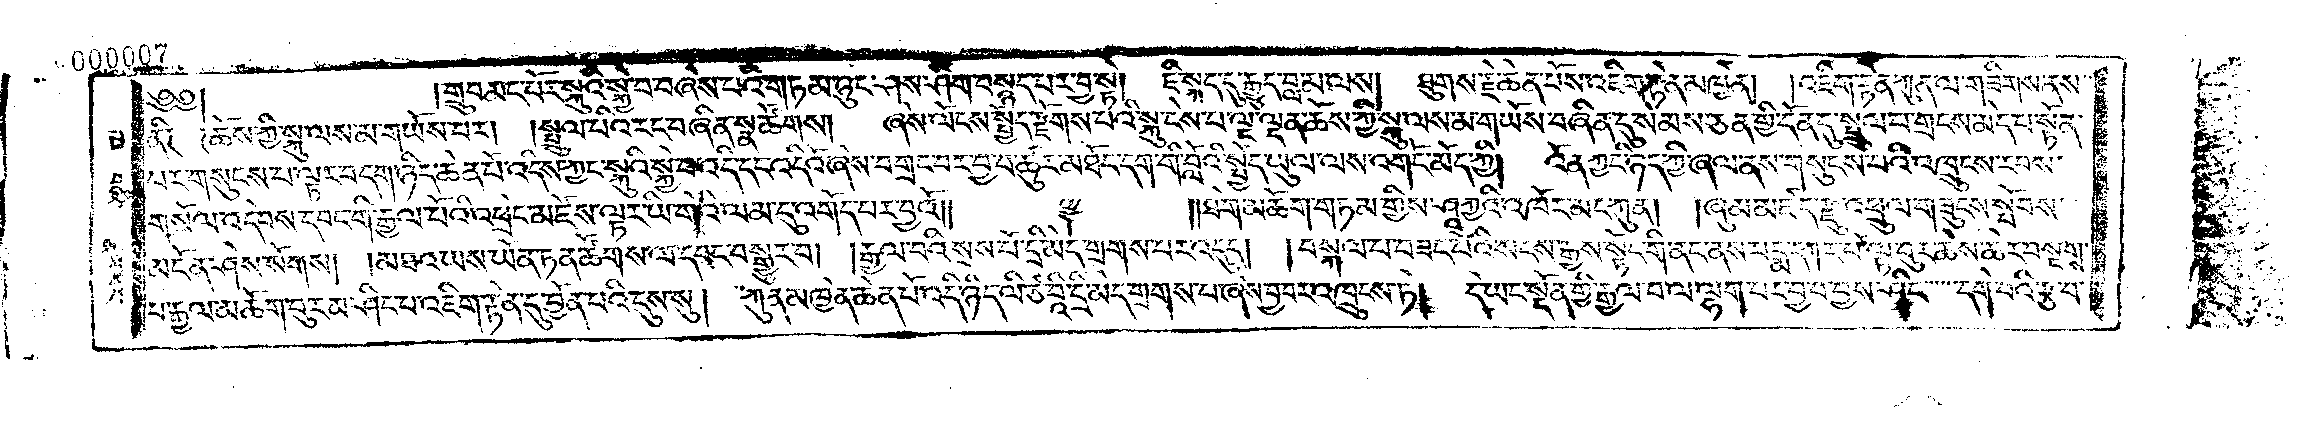༄༅། །གྲུབ་མང་པོར་སྐུའི་སྐྱེ་བ་བཞེས་པའི་གཏམ་ཉུང་ཤས་ཤིག་བསྙད་པར་བྱ་སྟེ། ཇི་སྐད་དུ་རྒྱུད་བླ་མ་ལས། ཐུགས་རྗེ་ཆེན་པོས་འཇིག་རྟེན་མཁྱེན། །འཇིག་རྟེན་ཀུན་ལ་གཟིགས་ནས་
ནི༑ ༑ཆོས་ཀྱི་སྐུ་ལས་མ་གཡོས་པར། །སྤྲུལ་པའི་རང་བཞིན་སྣ་ཚོགས། ཞེས་ལོངས་སྤྱོད་རྫོགས་པའི་སྐུ་ངེས་པ་ལྔ་ལྡན་ཆོས་ཀྱི་སྐུ་ལས་མ་གཡོས་བཞིན་དུ་སེམས་ཅན་གྱི་དོན་དུ་སྤྲུལ་བ་གྲངས་མེད་པ་སྟོན་
པར་གསུངས་པ་ལྟར་བདག་ཉིད་ཆེན་པོ་འདིས་ཀྱང་སྐུའི་སྐྱེ་བ་འདི་དང་འདིའོ་ཞེས་བགྲང་བར་བྱ་བ་ཚུར་མཐོང་དག་གི་བློའི་སྤྱོད་ཡུལ་ལས་འགོང་མོད་ཀྱི། འོན་ཀྱང་ཉིད་ཀྱི་ཞལ་ནས་གསུངས་པའི་འཁྲུངས་རབས་
གསོལ་འདེབས་དབང་གི་རྒྱལ་པོའི་འཕྲེང་མཛེས་ལྟར་ཡི་གེའི་ལམ་དུ་འགོད་པར་བྱའོ།། ༈ །།ཐེག་མཆོག་གཏམ་གྱིས་ཤཱཀྱའི་འཁོར་མང་ཀུན། །ཞུམ་མཛད་རྫུ་འཕྲུལ་གཟུངས་སྤོབས་
མངོན་ཤེས་སོགས། །མཐའ་ཡས་ཡོན་ཏན་ཚོགས་ལ་དབང་བསྒྱུར་བ། །རྒྱལ་བའི་སྲས་པོ་དྲི་མེད་གྲགས་པར་འདུད། །བསྐལ་པ་བཟང་པོའི་སངས་རྒྱས་སྟོང་གི་ནང་ནས་པདམ་དཀར་པོ་ལྟ་བུར་ཆེས་ཆེར་བསྔགས་
པ་རྒྱལ་མཆོག་བུར་མ་ཤིང་པ་འཇིག་རྟེན་དུ་བྱོན་པའི་དུས་སུ། ཀུན་མཁྱེན་ཆེན་པོ་འདི་ཉིད་ལི་ཙ་བཱི་དྲི་མེད་གྲགས་པ་ཞེས་བྱ་བར་འཁྲུངས་ཏེ། དེ་ཡང་སྔོན་གྱི་རྒྱལ་བ་ལ་ལྷག་པར་བྱ་བ་བྱས་ཤིང་དགེ་བའི་རྩ་བ་